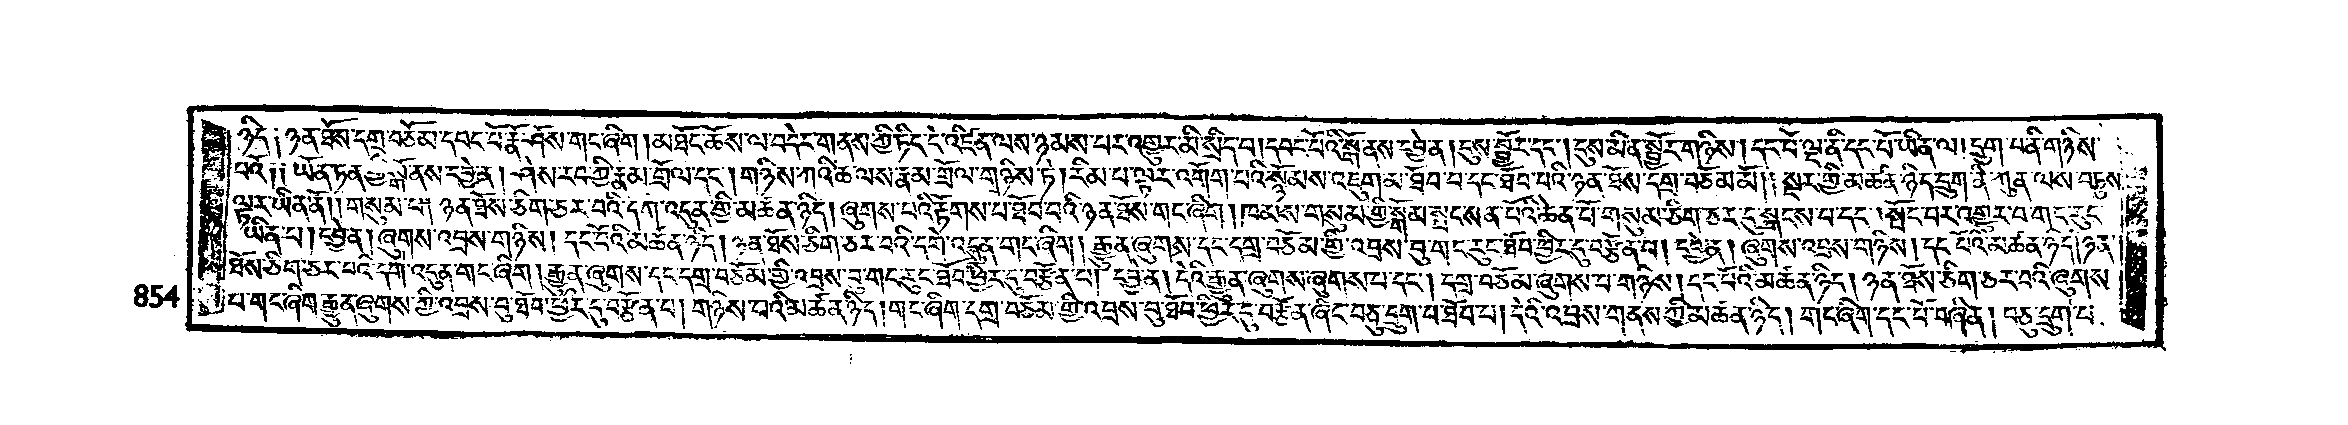ཉིད༑ ཉན་ཐོས་དགྲ་བཅོམ་དབང་པོ་རྣོ་ཤོས་གང་ཞིག །མཐོང་ཆོས་ལ་བདེར་གནས་ཀྱི་ཏིང་ངེ་འཛིན་ལས་ཉམས་པར་འགྱུར་མི་སྲིད་པ། དབང་པོའི་སྒོ་ནས་དབྱེ་ན། དུས་སྦྱོར་དང་། དུས་མིན་སྦྱོར་གཉིས། དང་པོ་ལྔ་ནི་དང་པོ་ཡིན་ལ། དྲུག་པ་ནི་གཉིས་
པའོ༑ ༑ཡོན་ཏན་གྱི་སྒོ་ནས་དབྱེ་ན། ཤེས་རབ་ཀྱི་རྣམ་གྲོལ་དང་། གཉིས་ཀའི་ཆ་ལས་རྣམ་གྲོལ་གཉིས་ཏེ། རིམ་པ་ལྟར་འགོག་པའི་སྙོམས་འཇུག་མ་ཐོབ་པ་དང་ཐོབ་པའི་ཉན་ཐོས་དགྲ་བཅོམ་མོ། །སྔར་གྱི་མཚན་ཉིད་དྲུག་ནི་ཀུན་ལས་བཏུས་
ལྟར་ཡིན་ནོ། །གསུམ་པ། ཉན་ཐོས་ཅིག་ཅར་བའི་དགེ་འདུན་གྱི་མཚན་ཉིད། ཞུགས་པའི་རྟོགས་པ་ཐོབ་པའི་ཉན་ཐོས་གང་ཞིག །ཁམས་གསུམ་གྱི་སྒོམ་སྤང་ཆེན་པོའི་ཆེན་པོ་གསུམ་ཅིག་ཅར་དུ་སྤངས་པ་དང་། སྤོང་བར་འགྱུར་བ་གང་རུང་
ཡིན་པ། དབྱེ་ན། ཞུགས་འབྲས་གཉིས། དང་པོའི་མཚན་ཉིད། ཉན་ཐོས་ཅིག་ཅར་བའི་དགེ་འདུན་གང་ཞིག །རྒྱུན་ཞུགས་དང་དགྲ་བཅོམ་གྱི་འབྲས་བུ་གང་རུང་ཐོབ་ཕྱིར་དུ་བརྩོན་པ། དབྱེ་ན། ཞུགས་འབྲས་གཉིས། དང་པོའི་མཚན་ཉིད། ཉན་
ཐོས་ཅིག་ཅར་བའི་དགེ་འདུན་གང་ཞིག །རྒྱུན་ཞུགས་དང་དགྲ་བཅོམ་གྱི་འབྲས་བུ་གང་རུང་ཐོབ་ཕྱིར་དུ་བརྩོན་པ། དབྱེ་ན། དེའི་རྒྱུན་ཞུགས་ཞུགས་པ་དང་། དགྲ་བཅོམ་ཞུགས་པ་གཉིས། དང་པོའི་མཚན་ཉིད། ཉན་ཐོས་ཅིག་ཅར་བའི་ཞུགས་
པ་གང་ཞིག་རྒྱུན་ཞུགས་ཀྱི་འབྲས་བུ་ཐོབ་ཕྱིར་དུ་བརྩོན་པ། གཉིས་པའི་མཚན་ཉིད། གང་ཞིག་དགྲ་བཅོམ་གྱི་འབྲས་བུ་ཐོབ་ཕྱིར་དུ་བརྩོན་ཞིང་བཅུ་དྲུག་པ་ཐོབ་པ། དེའི་འབྲས་གནས་ཀྱི་མཚན་ཉིད། གང་ཞིག་དང་པོ་བཞིན། བཅུ་དྲུག་པ་